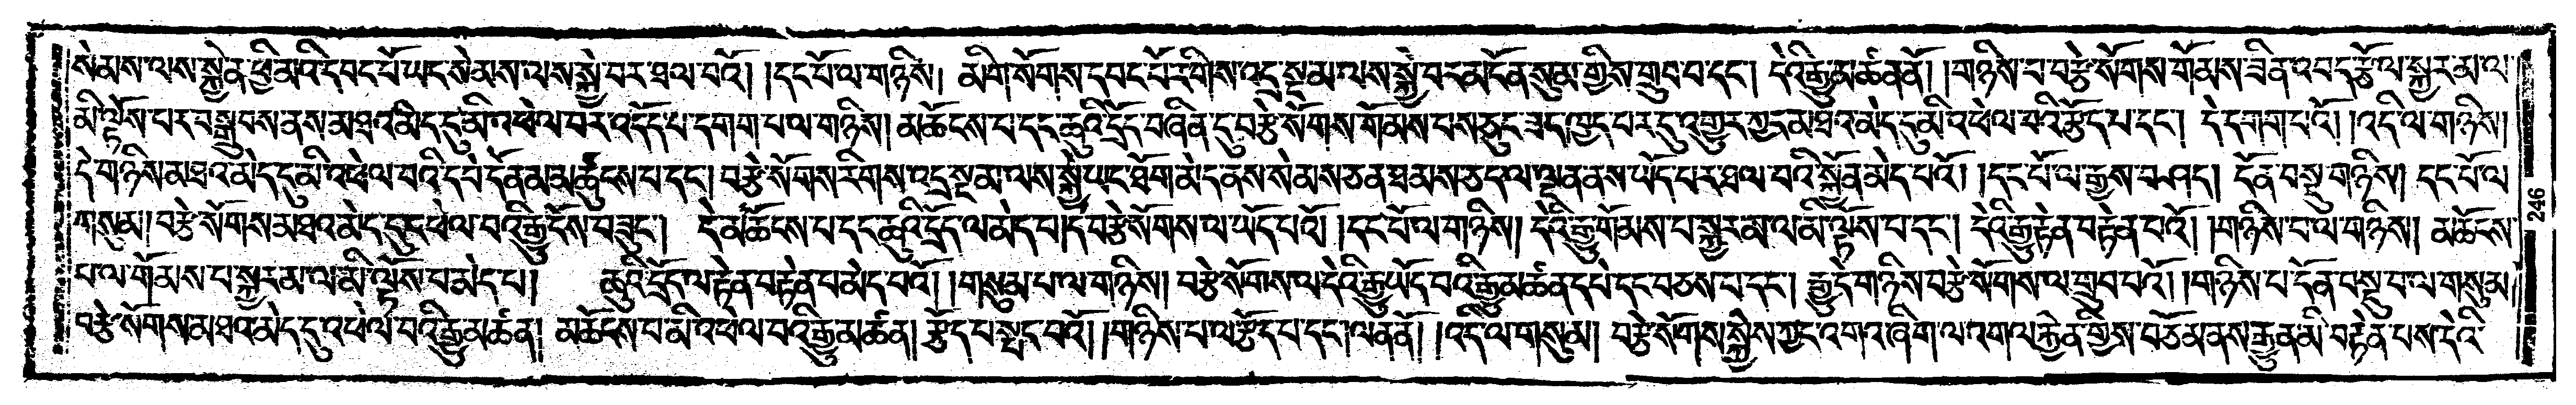སེམས་ལས་སྐྱེ་ན་ཕྱི་མའི་དབང་པོ་ཡང་སེམས་ལས་སྐྱེ་བར་ཐལ་བའོ། །དང་པོ་ལ་གཉིས། མིག་སོགས་དབང་པོ་རིགས་འདྲ་སྔ་མ་ལས་སྐྱེ་བར་མངོན་སུམ་གྱིས་གྲུབ་པ་དང་། དེའི་རྒྱུ་མཚན་ནོ། །གཉིས་པ་བརྩེ་སོགས་གོམས་ཟིན་འབད་རྩོལ་སྐྱར་མ་ལ་
མི་ལྟོས་པར་བསྒྲུབས་ནས་མཐའ་མེད་དུ་མི་འཕེལ་བར་འདོད་པ་དགག་པ་ལ་གཉིས། མཆོངས་པ་དང་ཆུའི་དྲོད་བཞིན་དུ་བརྩེ་སོགས་གོམས་པས་ཅུང་ཟད་ཁྱད་པར་དུ་འགྱུར་ཀྱང་མཐའ་མེད་དུ་མི་འཕེལ་བའི་རྩོད་པ་དང་། དེ་དགག་པའོ། །འདི་ལ་གཉིས།
དེ་གཉིས་མཐའ་མེད་དུ་མི་འཕེལ་བའི་དཔེ་དོན་མ་མཚུངས་པ་དང་། བརྩེ་སོགས་རིགས་འདྲ་སྔ་མ་ལས་སྐྱེ་ཡང་ཐོག་མེད་ནས་སེམས་ཅན་ཐམས་ཅད་ལ་ལྡན་ནས་ཡོད་པར་ཐལ་བའི་སྐྱོན་མེད་པའོ། །དང་པོ་ལ་རྒྱས་བཤད། དོན་བསྡུ་གཉིས། དང་པོ་ལ་
གསུམ། བརྩེ་སོགས་མཐའ་མེད་དུད་ཕེལ་བའི་རྒྱུ་ངོས་བཟུང་། དེ་མཆོངས་པ་དང་ཆུའི་དྲོད་ལ་མེད་པ། དེ་བརྩེ་སོགས་ལ་ཡོད་པའོ། །དང་པོ་ལ་གཉིས། དེའི་རྒྱུ་གོམས་པ་སྐྱར་མ་ལ་མི་ལྟོས་པ་དང་། དེའི་རྒྱུ་རྟེན་བརྟེན་པའོ། །གཉིས་པ་ལ་གཉིས། མཆོངས་
པ་ལ་གོམས་པ་སྐྱར་མ་ལ་མི་ལྟོས་པ་མེད་པ། ཆུའི་དྲོད་ལ་རྟེན་བརྟེན་པ་མེད་པའོ། །གསུམ་པ་ལ་གཉིས། བརྩེ་སོགས་ལ་དེའི་རྒྱུ་ཡོད་པའི་རྒྱུ་མཚན་དཔེ་དང་བཅས་པ་དང་། རྒྱུ་དེ་གཉིས་བརྩེ་སོགས་ལ་གྲུབ་པའོ། །གཉིས་པ་དོན་བསྡུ་བ་ལ་གསུམ།
བརྩེ་སོགས་མཐའ་མེད་དུ་འཕེལ་བའི་རྒྱུ་མཚན། མཆོངས་པ་མི་འཕེལ་བའི་རྒྱུ་མཚན། རྩོད་པ་སྤང་བའོ། །གཉིས་པ་ལ་རྩོད་པ་དང་། ལན་ནོ། །འདི་ལ་གསུམ། བརྩེ་སོགས་སྐྱེས་ཀྱང་འགའ་ཞིག་ལ་འགལ་རྐྱེན་གྱིས་བཅོམ་ནས་རྒྱུན་མི་བརྟེན་པས་དེའི་